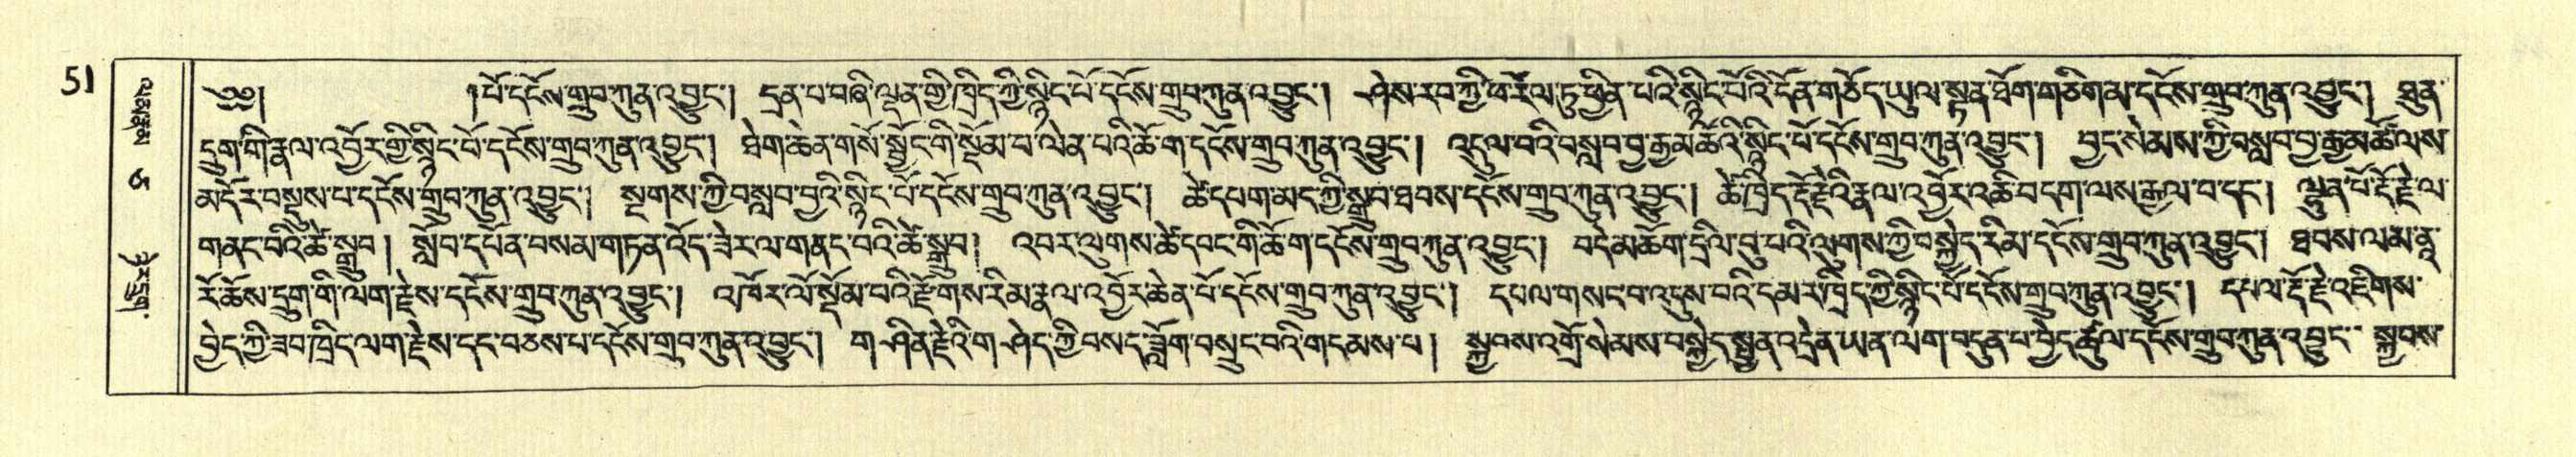༄༅། །པོ་དངོས་གྲུབ་ཀུན་འབྱུང་། དྲན་པ་བཞི་ལྡན་གྱི་ཁྲིད་ཀྱི་སྙིང་པོ་དངོས་གྲུབ་ཀུན་འབྱུང་། ཤེས་རབ་ཀྱི་ཕ་རོལ་ཏུ་ཕྱིན་པའི་སྙིང་པོའི་དོན་གཅོད་ཡུལ་སྟན་ཐོག་གཅིག་མ་དངོས་གྲུབ་ཀུན་འབྱུང་། ཐུན་
དྲུག་གི་རྣལ་འབྱོར་གྱི་སྙིང་པོ་དངོས་གྲུབ་ཀུན་འབྱུང་། ཐེག་ཆེན་གསོ་སྦྱོང་གི་སྡོམ་པ་ལེན་པའི་ཆོ་ག་དངོས་གྲུབ་ཀུན་འབྱུང་། འདུལ་བའི་བསླབ་བྱ་རྒྱ་མཚོའི་སྙིང་པོ་དངོས་གྲུབ་ཀུན་འབྱུང་། བྱང་སེམས་ཀྱི་བསླབ་བྱ་རྒྱ་མཚོ་ལས་
མདོར་བསྡུས་པ་དངོས་གྲུབ་ཀུན་འབྱུང་། སྔགས་ཀྱི་བསླབ་བྱའི་སྙིང་པོ་དངོས་གྲུབ་ཀུན་འབྱུང་། ཚེ་དཔག་མེད་ཀྱི་སྒྲུབ་ཐབས་དངོས་གྲུབ་ཀུན་འབྱུང་། ཚེ་ཁྲིད་རྡོ་རྗེའི་རྣལ་འབྱོར་འཆི་བདག་ལས་རྒྱལ་བ་དང་། ལྷུན་པོ་རྡོ་རྗེ་ལ་
གནང་བའི་ཚེ་སྒྲུབ། སློབ་དཔོན་བསམ་གཏན་འོད་ཟེར་ལ་གནང་བའི་ཚེ་སྒྲུབ། འབར་ལུགས་ཚེ་དབང་གི་ཆོ་ག་དངོས་གྲུབ་ཀུན་འབྱུང་། བདེ་མཆོག་དྲིལ་བུ་པའི་ལུགས་ཀྱི་བསྐྱེད་རིམ་དངོས་གྲུབ་ཀུན་འབྱུང་། ཐབས་ལམ་ནཱ་
རོ་ཆོས་དྲུག་གི་ལག་རྗེས་དངོས་གྲུབ་ཀུན་འབྱུང་། འཁོར་ལོ་སྡོམ་པའི་རྫོགས་རིམ་རྣལ་འབྱོར་ཆེན་པོ་དངོས་གྲུབ་ཀུན་འབྱུང་། དཔལ་གསང་བ་འདུས་པའི་དམར་ཁྲིད་ཀྱི་སྙིང་པོ་དངོས་གྲུབ་ཀུན་འབྱུང་། དཔལ་རྡོ་རྗེ་འཇིགས་
བྱེད་ཀྱི་ཟབ་ཁྲིད་ལག་རྗེས་དང་བཅས་པ་དངོས་གྲུབ་ཀུན་འབྱུང་། གཤིན་རྗེའི་གཤེད་ཀྱི་བསད་ཟློག་བསྲུང་བའི་གདམས་པ། སྐྱབས་འགྲོ་སེམས་བསྐྱེད་སྤྱན་འདྲེན་ཡན་ལག་བདུན་པ་བྱེད་ཚུལ་དངོས་གྲུབ་ཀུན་འབྱུང་སྐྱབས་